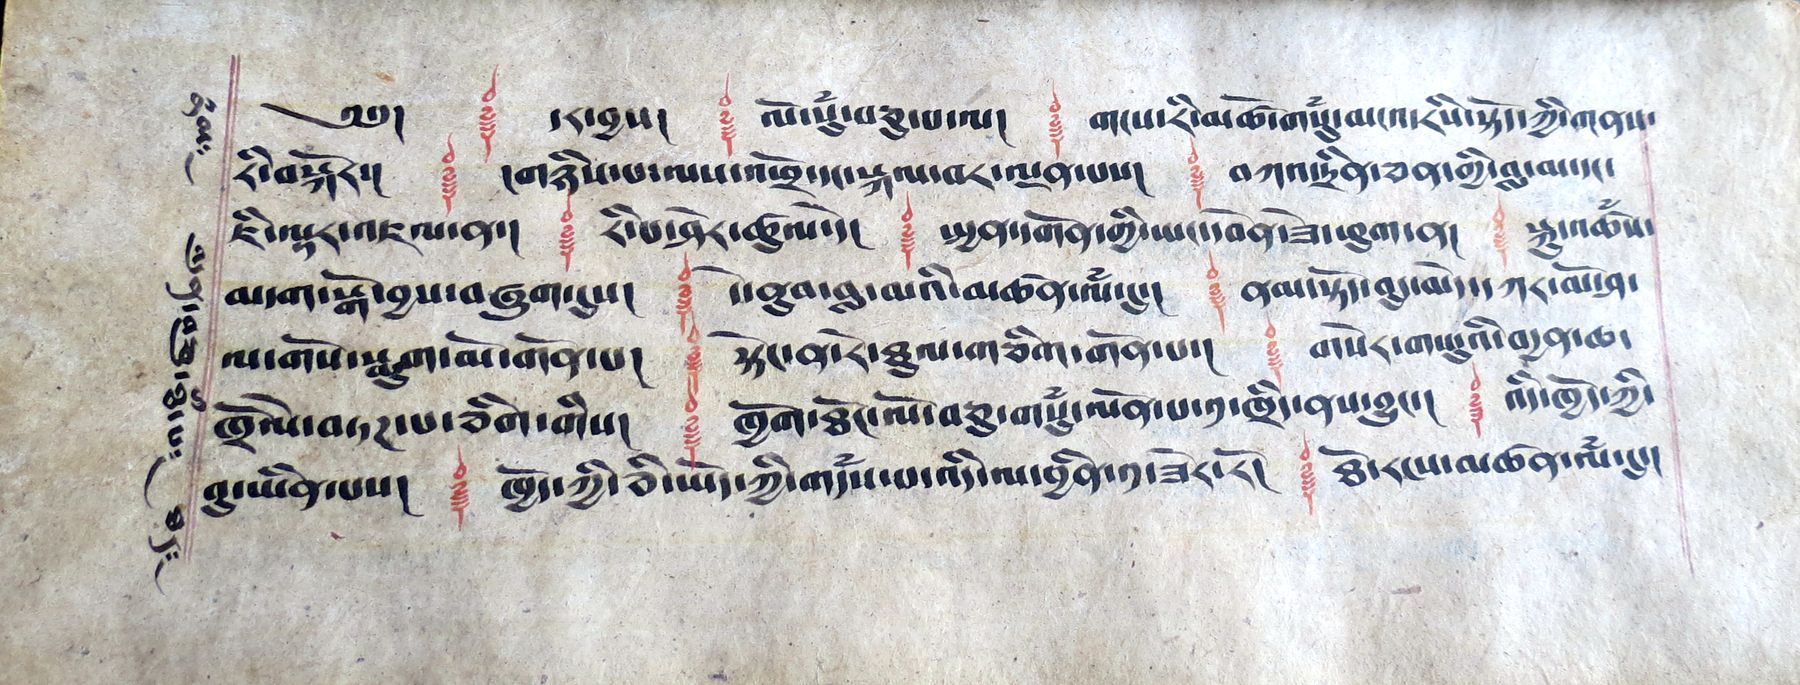དར་བྱས། ལོ་སུམ་ཅུ་པ་ལ་གངས་རི་མཚོ་གསུམ་མངའ་རིས་སྟོད་ཀྱི་གནས་
རི་བསྐོར། གཉིས་པ་ལས་འཕྲོ་དང་སྐལ་པར་ལྡན་པས། བཀའ་དྲིན་ཅན་གྱི་བླ་མ་དང་
ཅི་ལྟར་མཇལ་ན། རི་པ་ཤེར་ཚུལ་དེ་སྤྱན་དགོན་གྱི་ཡང་དབེན་ཟེ་ཕུག་ན། སྐུ་མཚམས་
འདག་སྒོ་བྱས། བཞུགས་དུས། དེ་ནུབ་བླ་མའི་མཚན་ལམ་དུ། ནམ་སྟོད་བུད་མེད་དཀར་མོ་ཤ་
ལ་གོས་སྨུག་པོ་གྱོན་པ། སྟེང་ན་རེ་ཐུལ་ཞིག་གོན་པ། གསེར་གཡུའི་རྒྱན་ཆ་
ཁྲོལ་ལེར་བཏགས་པ་ཞིག་གིས། ཁྱོ་ཐོང་ལོ་སུམ་ཅུ་ལོན་པ་ཞིག་ཁྲིད་ནས་བྱུང་། འདི་ཁྱོད་ཀྱི་
བུ་ཡིན། ཁྱོད་ལ་ཅི་ཡོད་ཀྱི་གདམས་པ་འདི་ལ་བྱིན་ཟེར་རོ། ཐོ་རེངས་མཚན་ལམ་དུ།